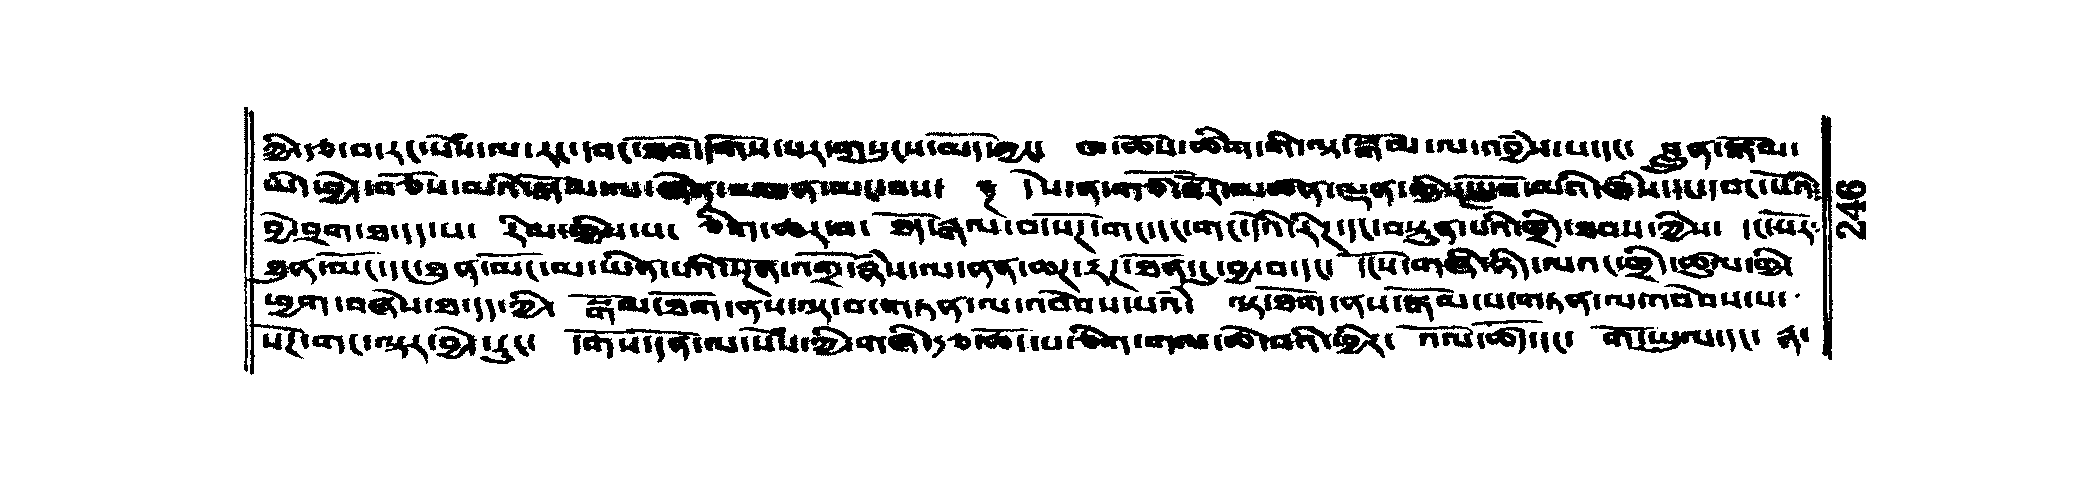ཀྱི་རྩ་བ་རང་སེམས་ལ་རང་དབང་ཐོབ་དགོས་པར་གསུངས་མོད་ཀྱང་། ཁ་ཆོས་ཚིག་གི་ལྟ་སྒོམ་ལ་འབྱམས་པ་དང་། བླུན་སྒོམ་
ཡིད་བྱེད་བཅོས་མའི་སྒོམ་ཞེན་མཁན་མང་བས། དེས་ན་གཙོ་བོར་མཚན་ལྡན་གྱི་སློབ་མའི་ཁམས་དང་དབང་པོའི་
བྱེ་བྲག་ཐ་དད་པ། རིམ་གྱིས་པ། ཅིག་ཆར་བ། ཐོད་རྒལ་བ་སོགས་གང་དང་གང་དེའི་རིགས་དང་བསྟུན་པའི་ཁྲིད་ཐབས་ཀྱིས། དང་པོར་
ཐུན་མོང་དང་ཐུན་མོང་མ་ཡིན་པའི་སྔོན་འགྲོ་རྣམས་ལ་ནན་ཆགས་རྟགས་ཐོན་དུ་བྱ་བ་དང་། དངོས་གཞི་ཉིད་ལའང་ཁྲིད་ཚུལ་གྱི་
ཕྱག་བཞེས་ཐ་དད་ཀྱི། སྒོམ་ཐོག་ནས་ལྟ་བ་གཏན་ལ་འབེབས་པའམ།ལྟ་ཐོག་ནས་སྒོམ་པ་གཏན་ལ་འབེབས་པ་
སོགས་གང་ལྟར་བྱེད་རུང་། དགོས་དོན་ལ་སེམས་ཀྱི་གཞི་རྩ་ཆོད་པ་ཞིག་གལ་ཆེ་བའི་ཕྱིར། འོལ་ཚོད་དང་། གོ་ཡུལ་དང་། རྣ་